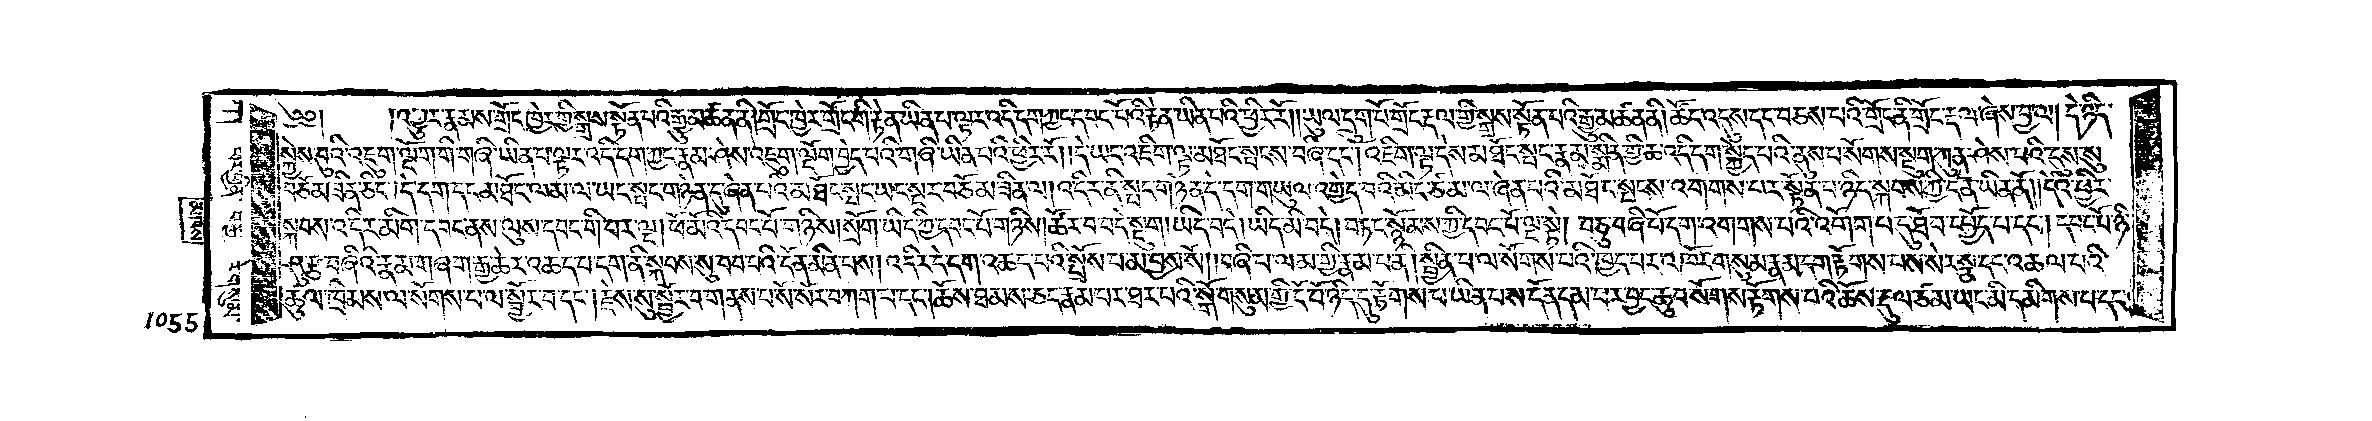༄༅། །འགྱུར་རྣམས་གྲོང་ཁྱེར་གྱི་སྒྲས་སྟོན་པའི་རྒྱུ་མཚན་ནི། གྲོང་ཁྱེར་གྲོང་གི་རྟེན་ཡིན་པ་ལྟར་འདི་དག་ཀྱང་དབང་པོའི་རྟེན་ཡིན་པའི་ཕྱིར་རོ། །ཡུལ་དྲུག་པོ་གྲོང་རྡལ་གྱི་སྒྲས་སྟོན་པའི་རྒྱུ་མཚན་ནི། ཚོང་འདུས་དང་བཅས་པའི་གྲོང་ནི་གྲོང་རྡལ་ཞེས་བྱ་ལ། དེ་ཉིད་
སྐྱེས་བུའི་འཇུག་ལྡོག་གི་གཞི་ཡིན་པ་ལྟར་འདི་དག་ཀྱང་རྣམ་ཤེས་འཇུག་ལྡོག་བྱེད་པའི་གཞི་ཡིན་པའི་ཕྱིར་རོ། །དེ་ཡང་འཇིག་ལྟ་མཐོང་སྤངས་བཞི་དང་། འཇིག་ལྟ་དེས་མཐོང་སྤང་རྣམ་སྨིན་གྱི་ཆ་འདི་དག་སྐྱེད་པའི་ནུས་པ་སོགས་སྡུག་ཀུན་ཤེས་པའི་དུས་སུ་
བཅོམ་ཟིན་ཅིང་། དེ་དག་དང་མཐོང་ལམ་ལ་ཡང་སྤང་གཉེན་དུ་ཞེན་པའི་མཐོང་སྤང་ཡང་སྔར་བཅོམ་ཟིན་ལ། འདིར་ནི་སྤང་གཉེན་དེ་དག་གཡུལ་འགྱེད་པའི་མིང་ཙམ་ལ་ཞེན་པའི་མཐོང་སྤངས་འགགས་པར་སྟོན་པ་ཉིད་སྐབས་ཀྱི་དོན་ཡིན་ནོ། །དེའི་ཕྱིར་
སྐབས་འདིར་མིག་དབང་ནས་ལུས་དབང་གི་བར་ལྔ། ཕོ་མོའི་དབང་པོ་གཉིས། སྲོག་ཡིད་ཀྱི་དབང་པོ་གཉིས། ཚོར་བ་བདེ་སྡུག། ཡིད་བདེ། ཡིད་མི་བདེ། བཏང་སྙོམས་ཀྱི་དབང་པོ་ལྔ་སྟེ། བཅུ་བཞི་པོ་དག་འགགས་པའི་འགོག་པ་དུ་ཐོབ་དཔྱོད་པ་དང་། དབང་པོ་ཉི་
ཤུ་རྩ་བཞིའི་རྣམ་གཞག་རྒྱ་ཆེར་འཆད་པ་དག་ནི་སྐབས་སུ་བབ་པའི་དོན་མིན་པས། འདིར་དེ་དག་འཆད་པའི་སྤྲོས་པ་མ་བྱས་སོ། །བཞི་པ་ལམ་གྱི་རྣམ་པ་ནི། སྦྱིན་པ་ལ་སོགས་པའི་ཁྱད་པར་འཁོར་གསུམ་རྣམ་དག་རྟོགས་པས་སེར་སྣ་དང་འཆལ་པའི་
ཚུལ་ཁྲིམས་ལ་སོགས་པ་ལ་སྦྱོར་བ་དང་། རྗེས་སུ་སྦྱོར་བ་གནས་པ་སོ་སོར་བཀག་པ་དང་། ཆོས་ཐམས་ཅད་རྣམ་པར་ཐར་པའི་སྒོ་གསུམ་གྱི་ངོ་བོ་ཉིད་དུ་རྟོགས་པ་ཡིན་པས་དོན་དམ་པར་བྱང་ཆུབ་སོགས་རྟོགས་པའི་ཆོས་རྡུལ་ཙམ་ཡང་མི་དམིགས་པ་དང་